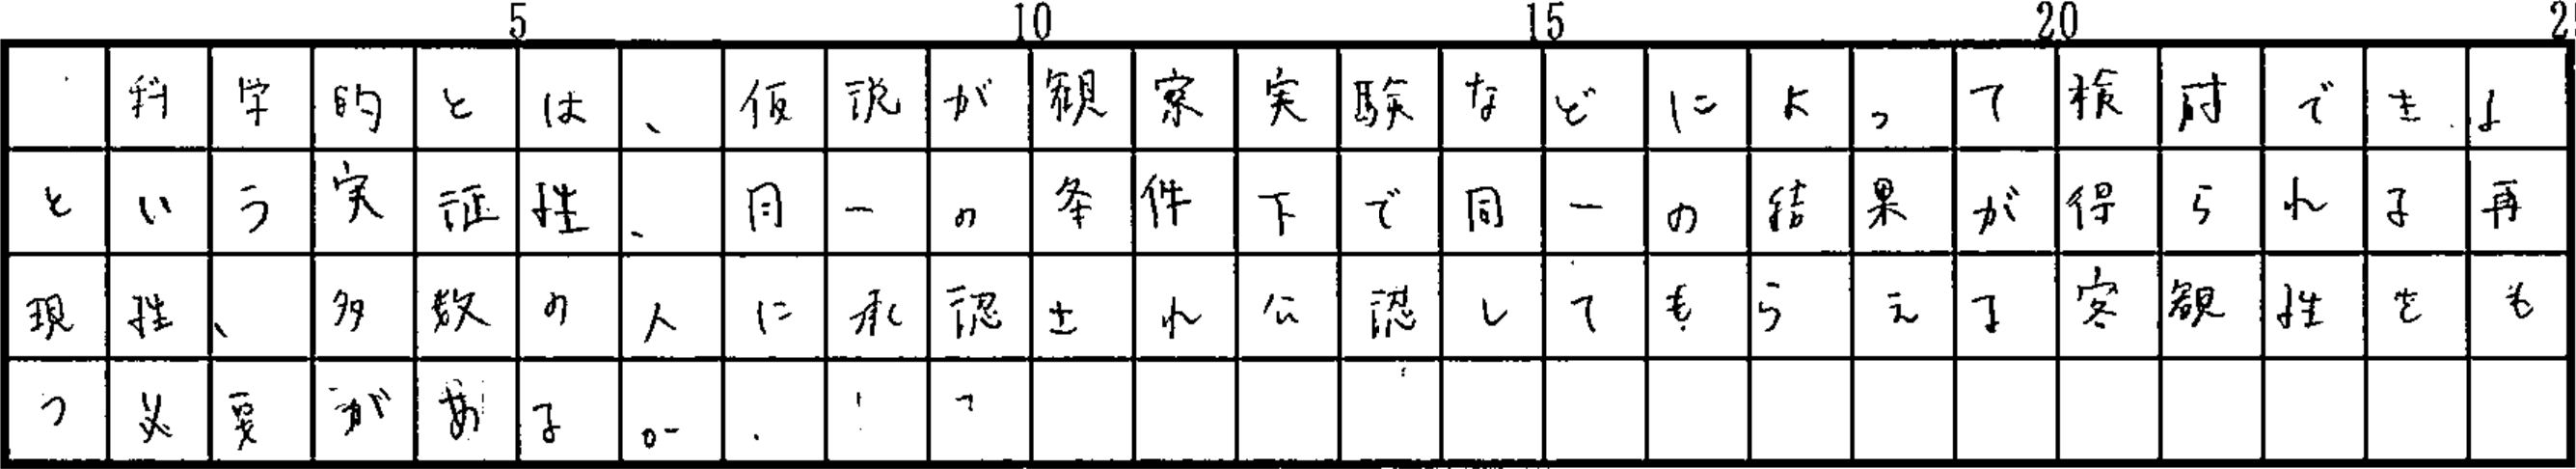　科学的とは、仮説が観察実験などによって検討できるという実証性、同一の条件下で同一の結果が得られる再現性、多数の人に承認され公認してもらえる客観性をもつ必要がある。
